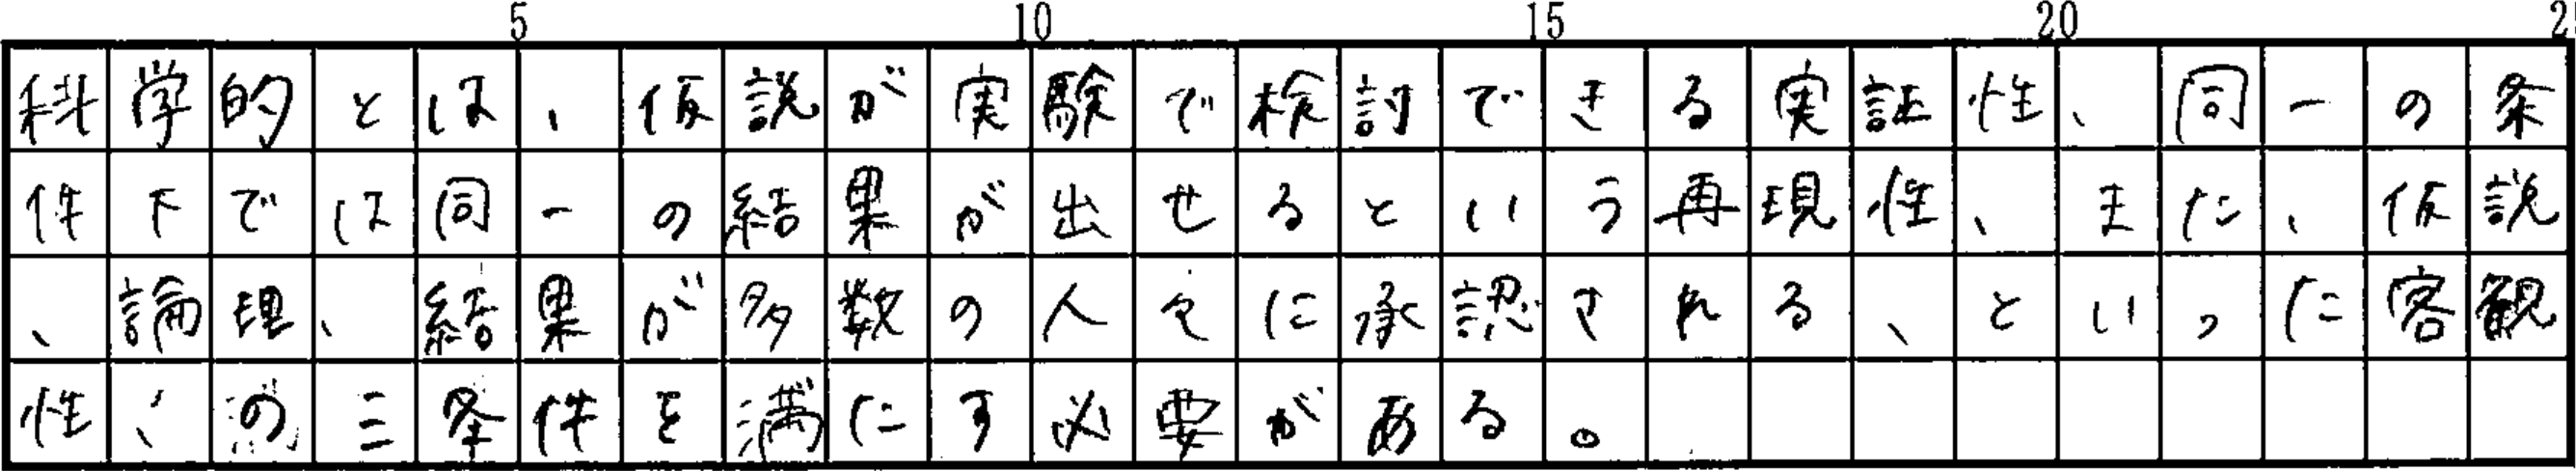科学的とは、仮説が実験で検討できる実証性、同一の条件下では同一の結果が出せるという再現性、また、仮説、論理、結果が多数の人々に承認される、といった客観性、の三条件を満たす必要がある。
